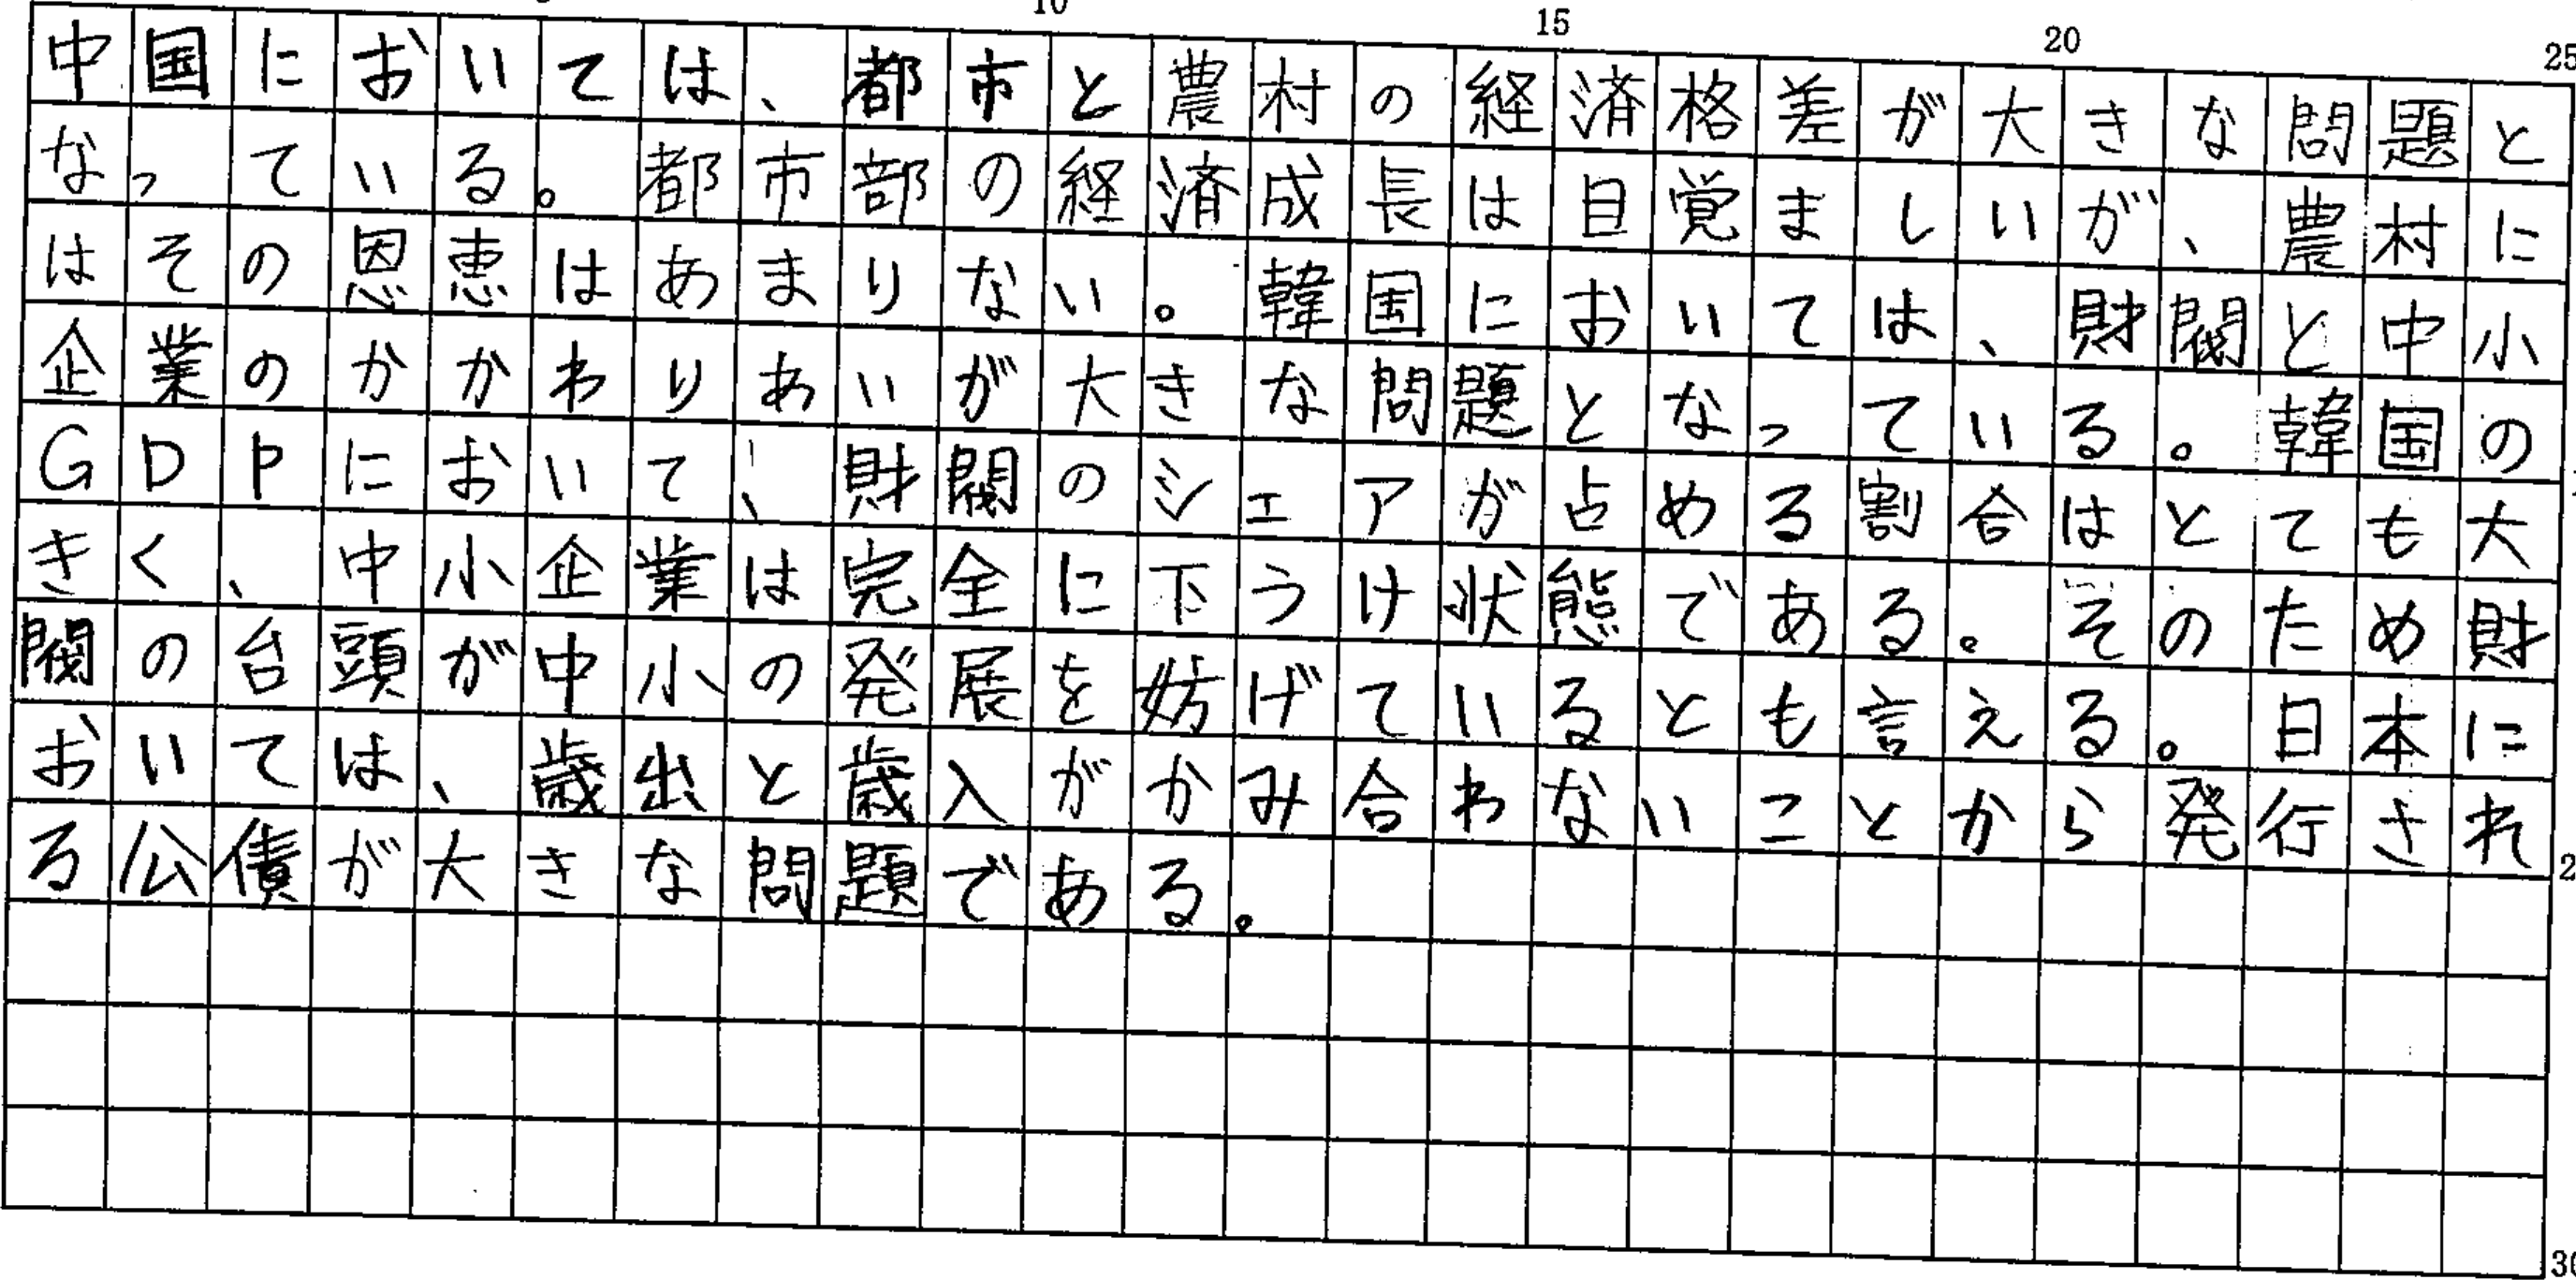中国においては、都市と農村の経済格差が大きな問題となっている。都市部の経済成長は目覚ましいが、農村にはその恩恵はあまりない。韓国においては、財閥と中小企業のかかわりあいが大きな問題となっている。韓国のＧＤＰにおいて、財閥のシェアが占める割合はとても大きく、中小企業は完全に下うけ状態である。そのため財閥の台頭が中小の発展を妨げているとも言える。日本においては、歳出と歳入がかみ合わないことから発行される公債が大きな問題である。
